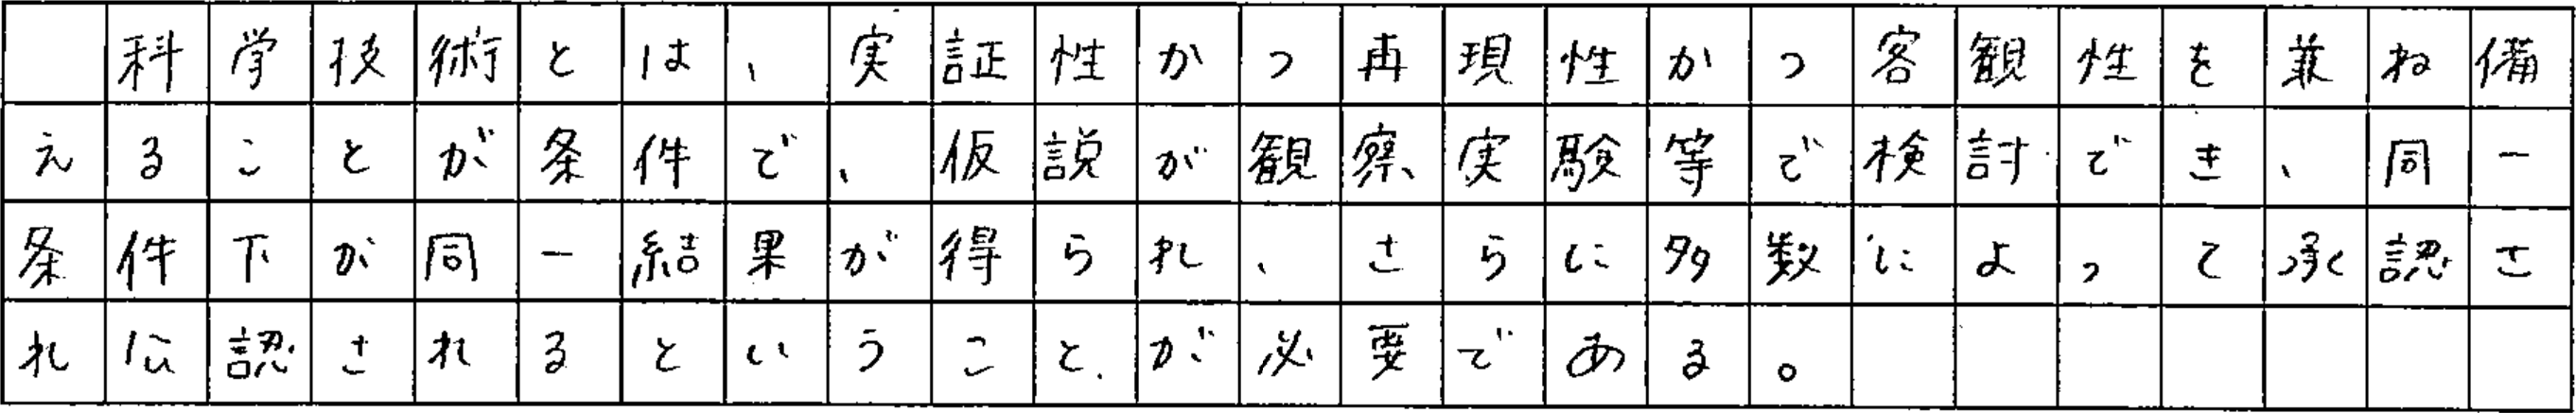　科学技術とは、実証性かつ再現生かつ客観性を兼ね備えることが条件で、仮説が観察実験等で検討でき、同一条件下が同一結果が得られ、さらに多数によって承認され公認されるということが必要である。
